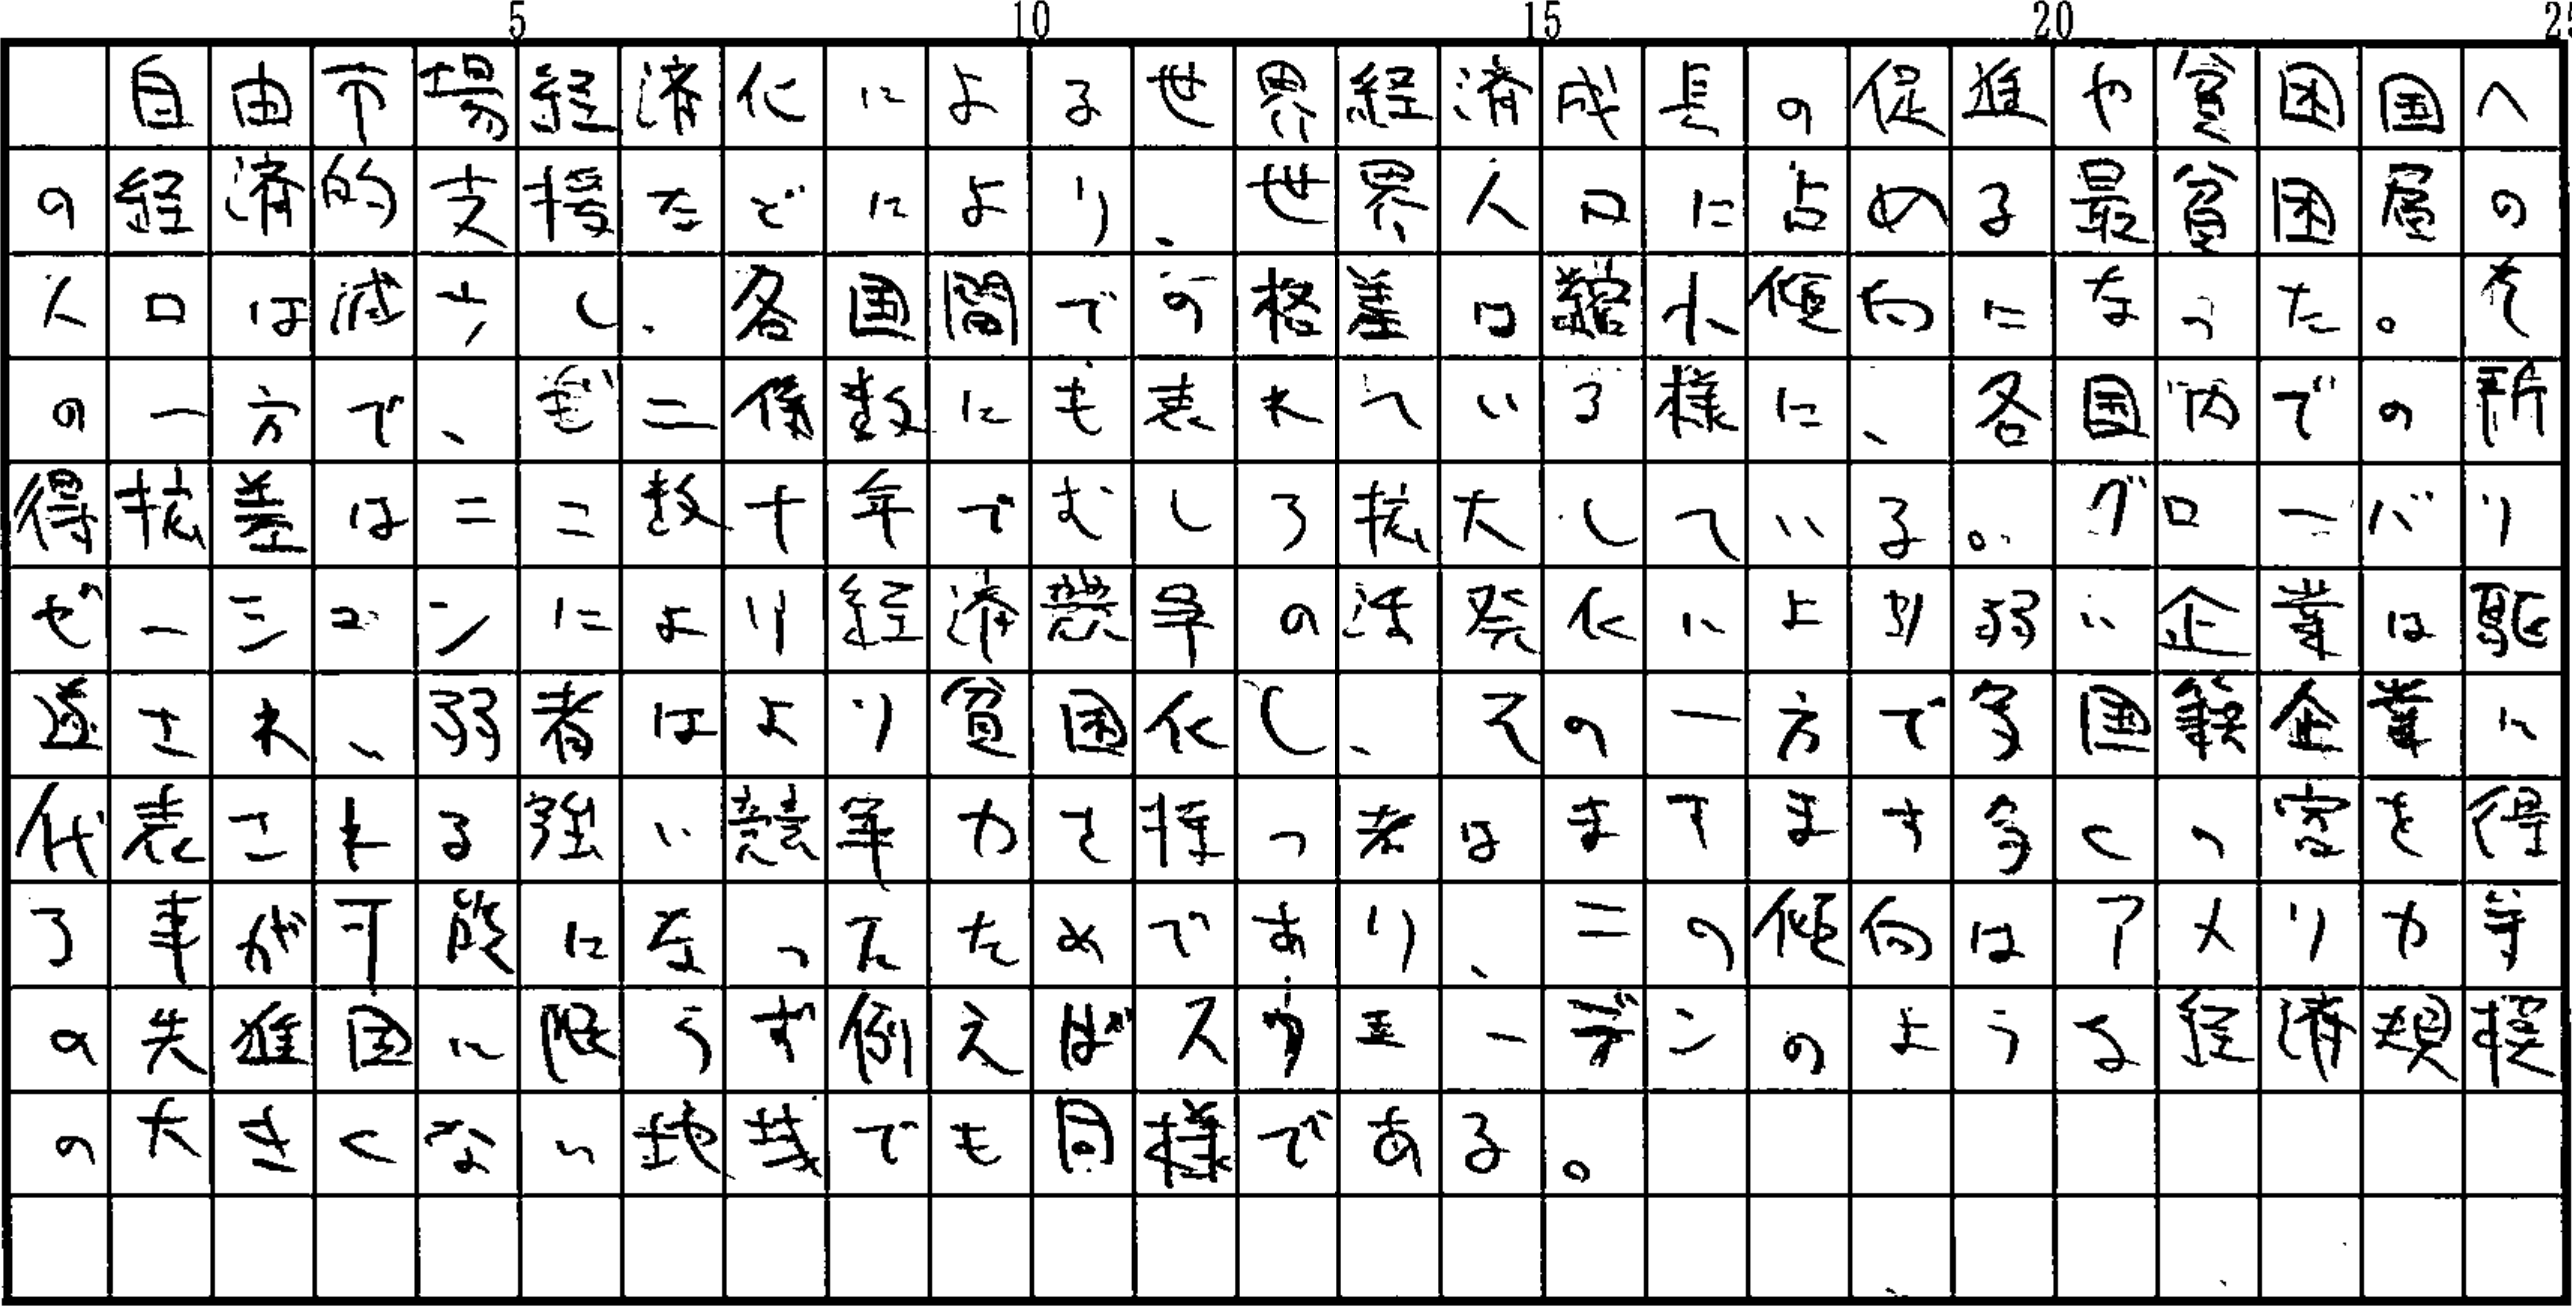　自由市場経済化による世界経済成長の促進や貧困国への経済的支援などにより、世界人口に占める最貧困層の人口は減少し、各国間での格差は縮小傾向になった。その一方で、ジニ係数にも表れている様に、各国内での所得拡差はここ数十年でむしろ拡大している。グローバリゼーションにより経済競争の活発化により弱い企業は駆遂され、弱者はより貧困化し、その一方で多国▁企業に代表される強い競争力を持つ者はますます多くの富を得る事が可能になったためであり、この傾向はアメリカ等の先進国に限らず例えばスウェーデンのような経済規模の大きくない地域でも同様である。
